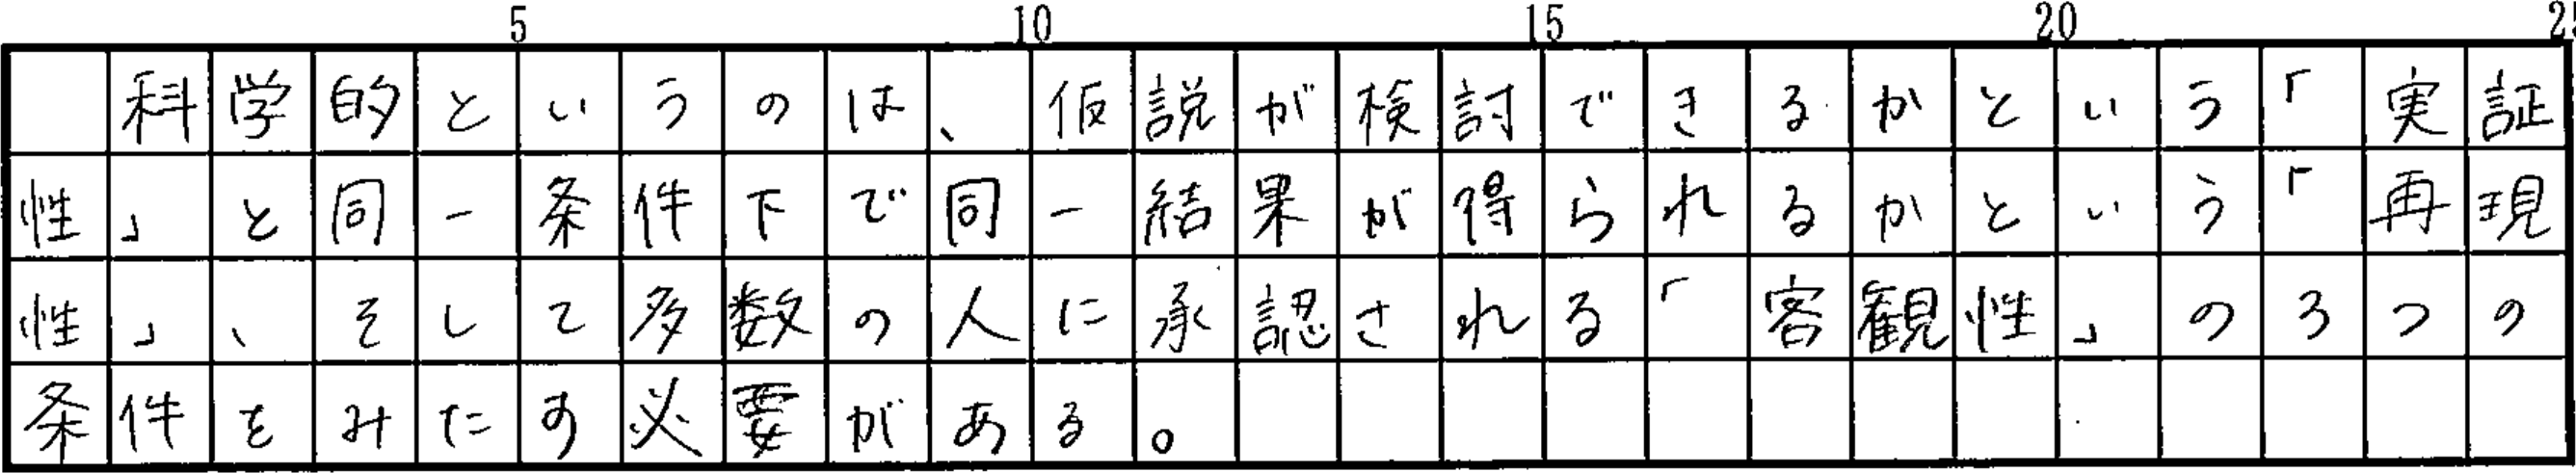　科学的というのは、仮説が検討できるかという「実証性」と同一条件下で同一結果が得られるかという「再現性」、そして多数の人に承認される「客観性」の３つの条件をみたす必要がある。
